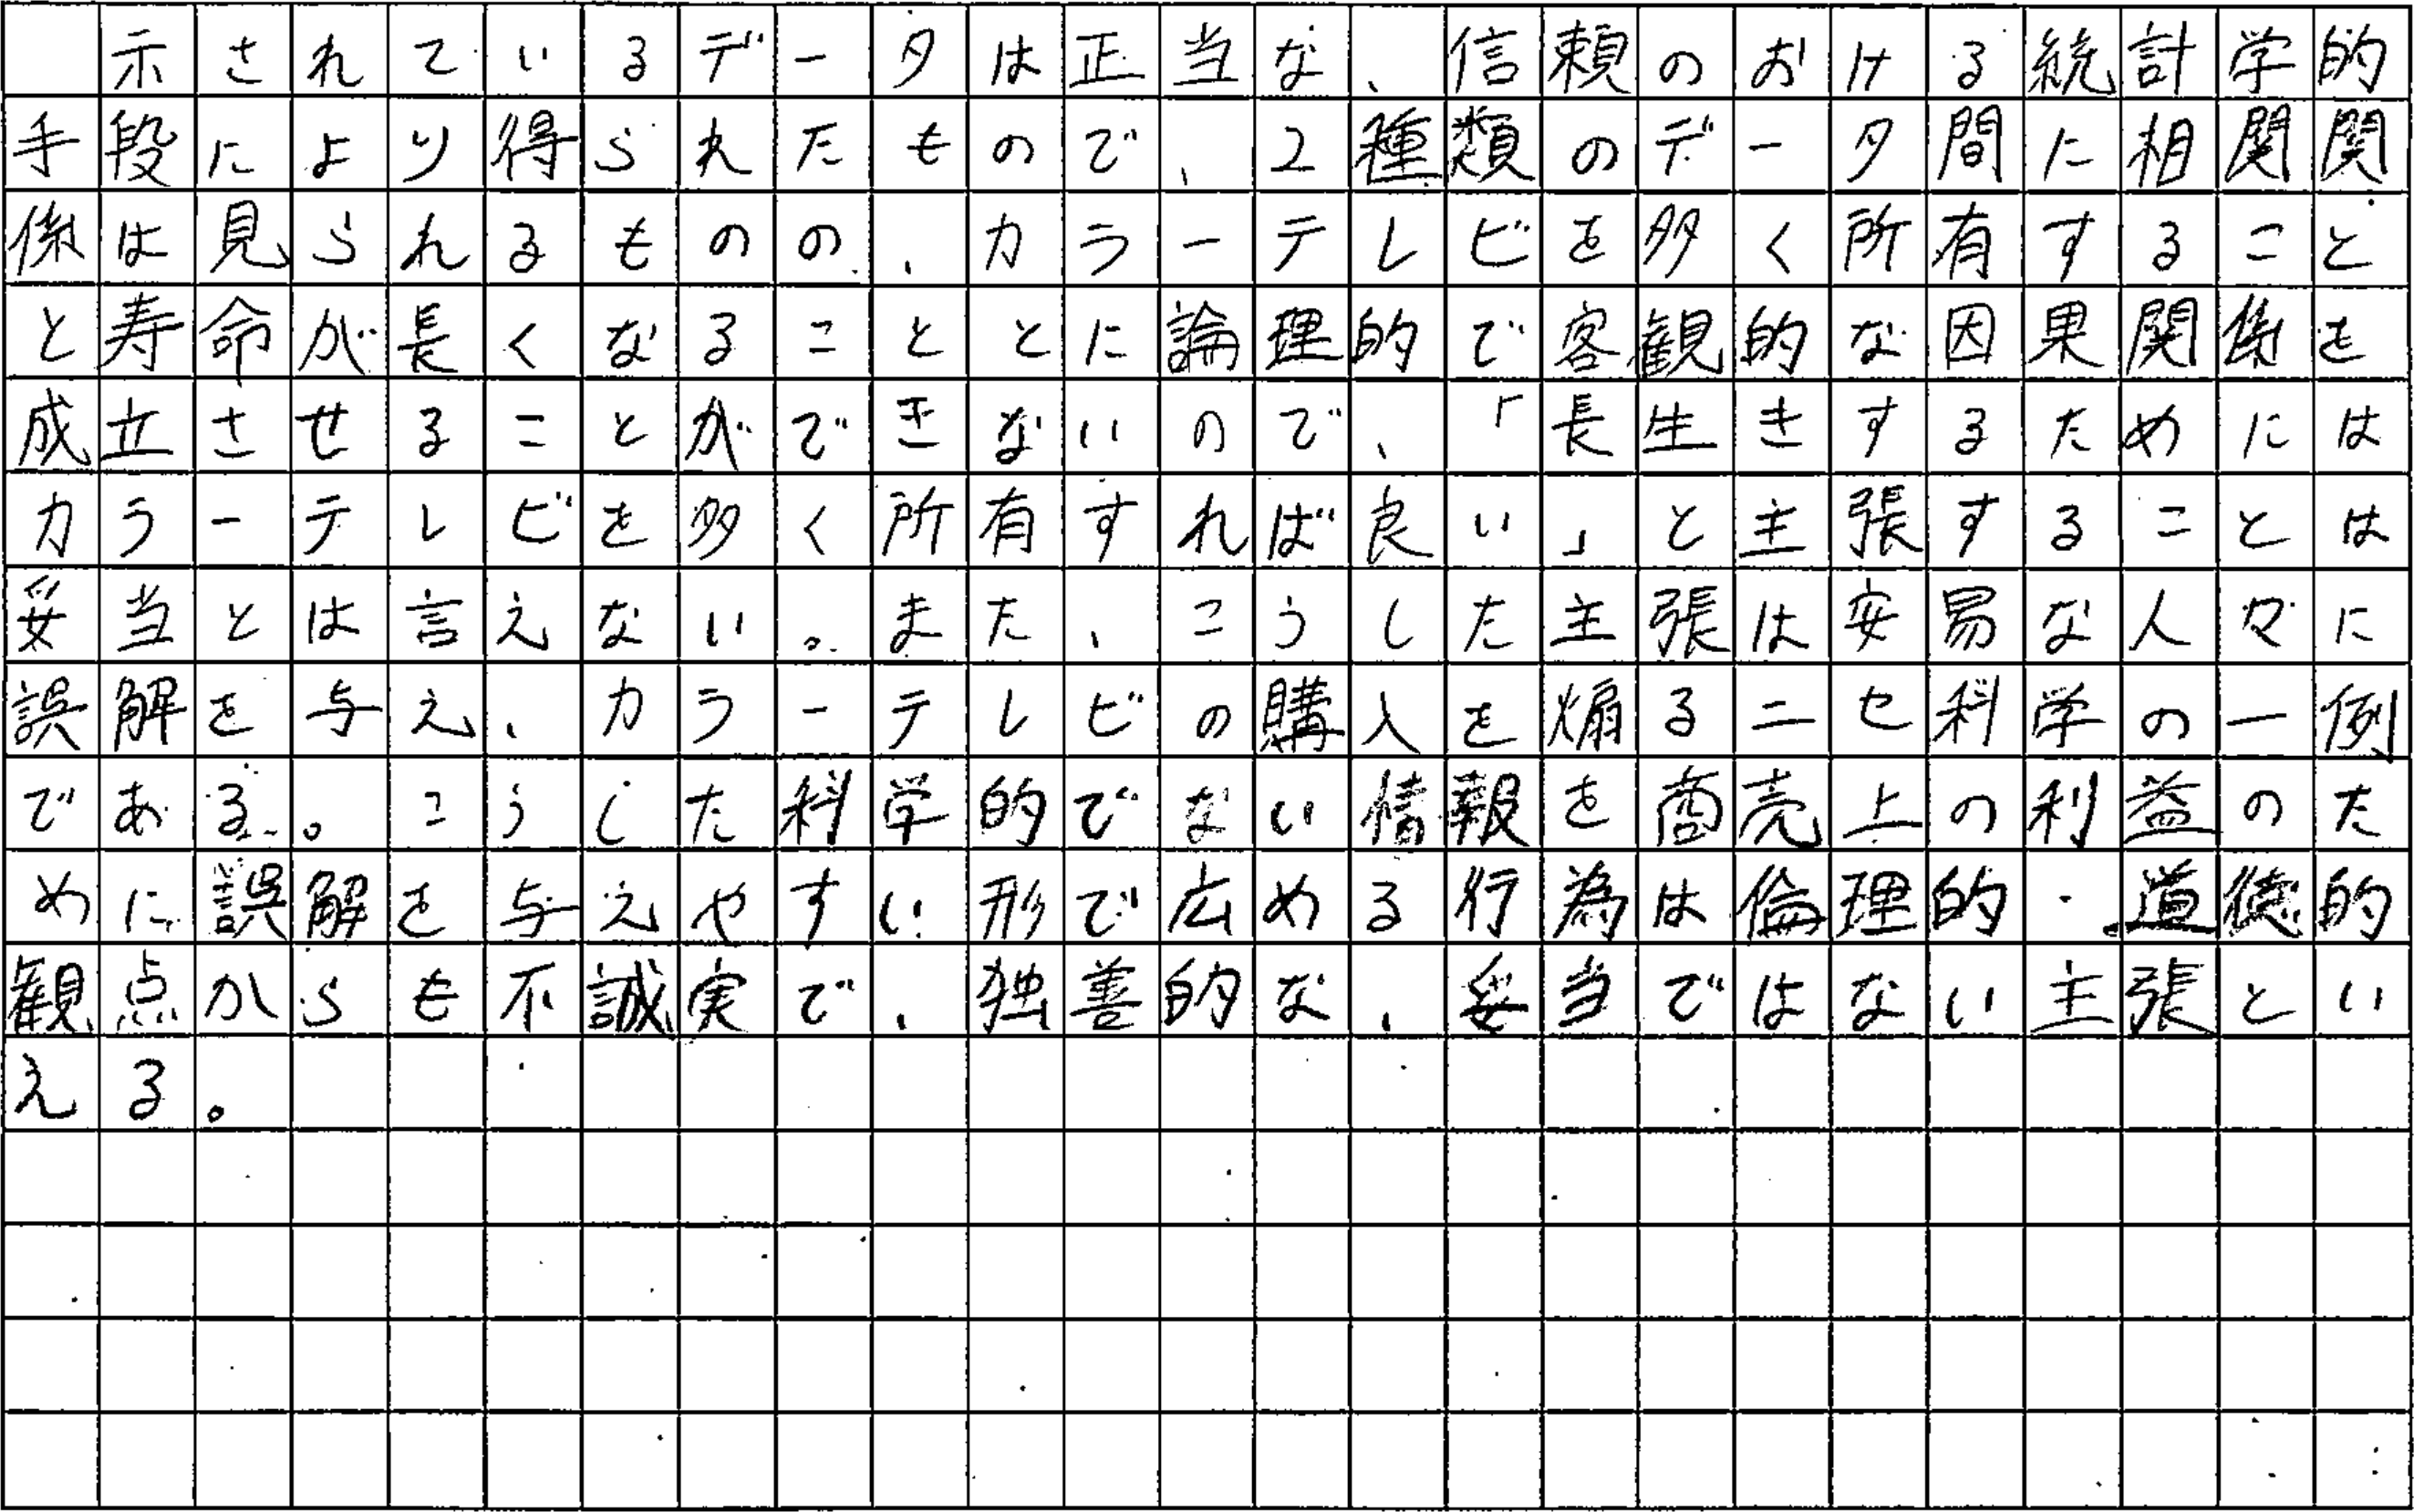　示されているデータは正当な、信頼のおける統計学的手段により得られたもので、２種類のデータ間に相関関係は見られるものの、カラーテレビを多く所有することと寿命が長くなることとに論理的で客観的な因果関係を成立させることができないので、「長生きするためにはカラーテレビを多く所有すれば良い」と主張することは妥当とは言えない。また、こうした主張は安易な人々に誤解を与え、カラーテレビの購入を煽るニセ科学の一例である。こうした科学的でない情報を商売上の利益のために誤解を与えやすい形で広める行為は倫理的・道徳的観点からも不誠実で、独善的な、妥当ではない主張といえる。
